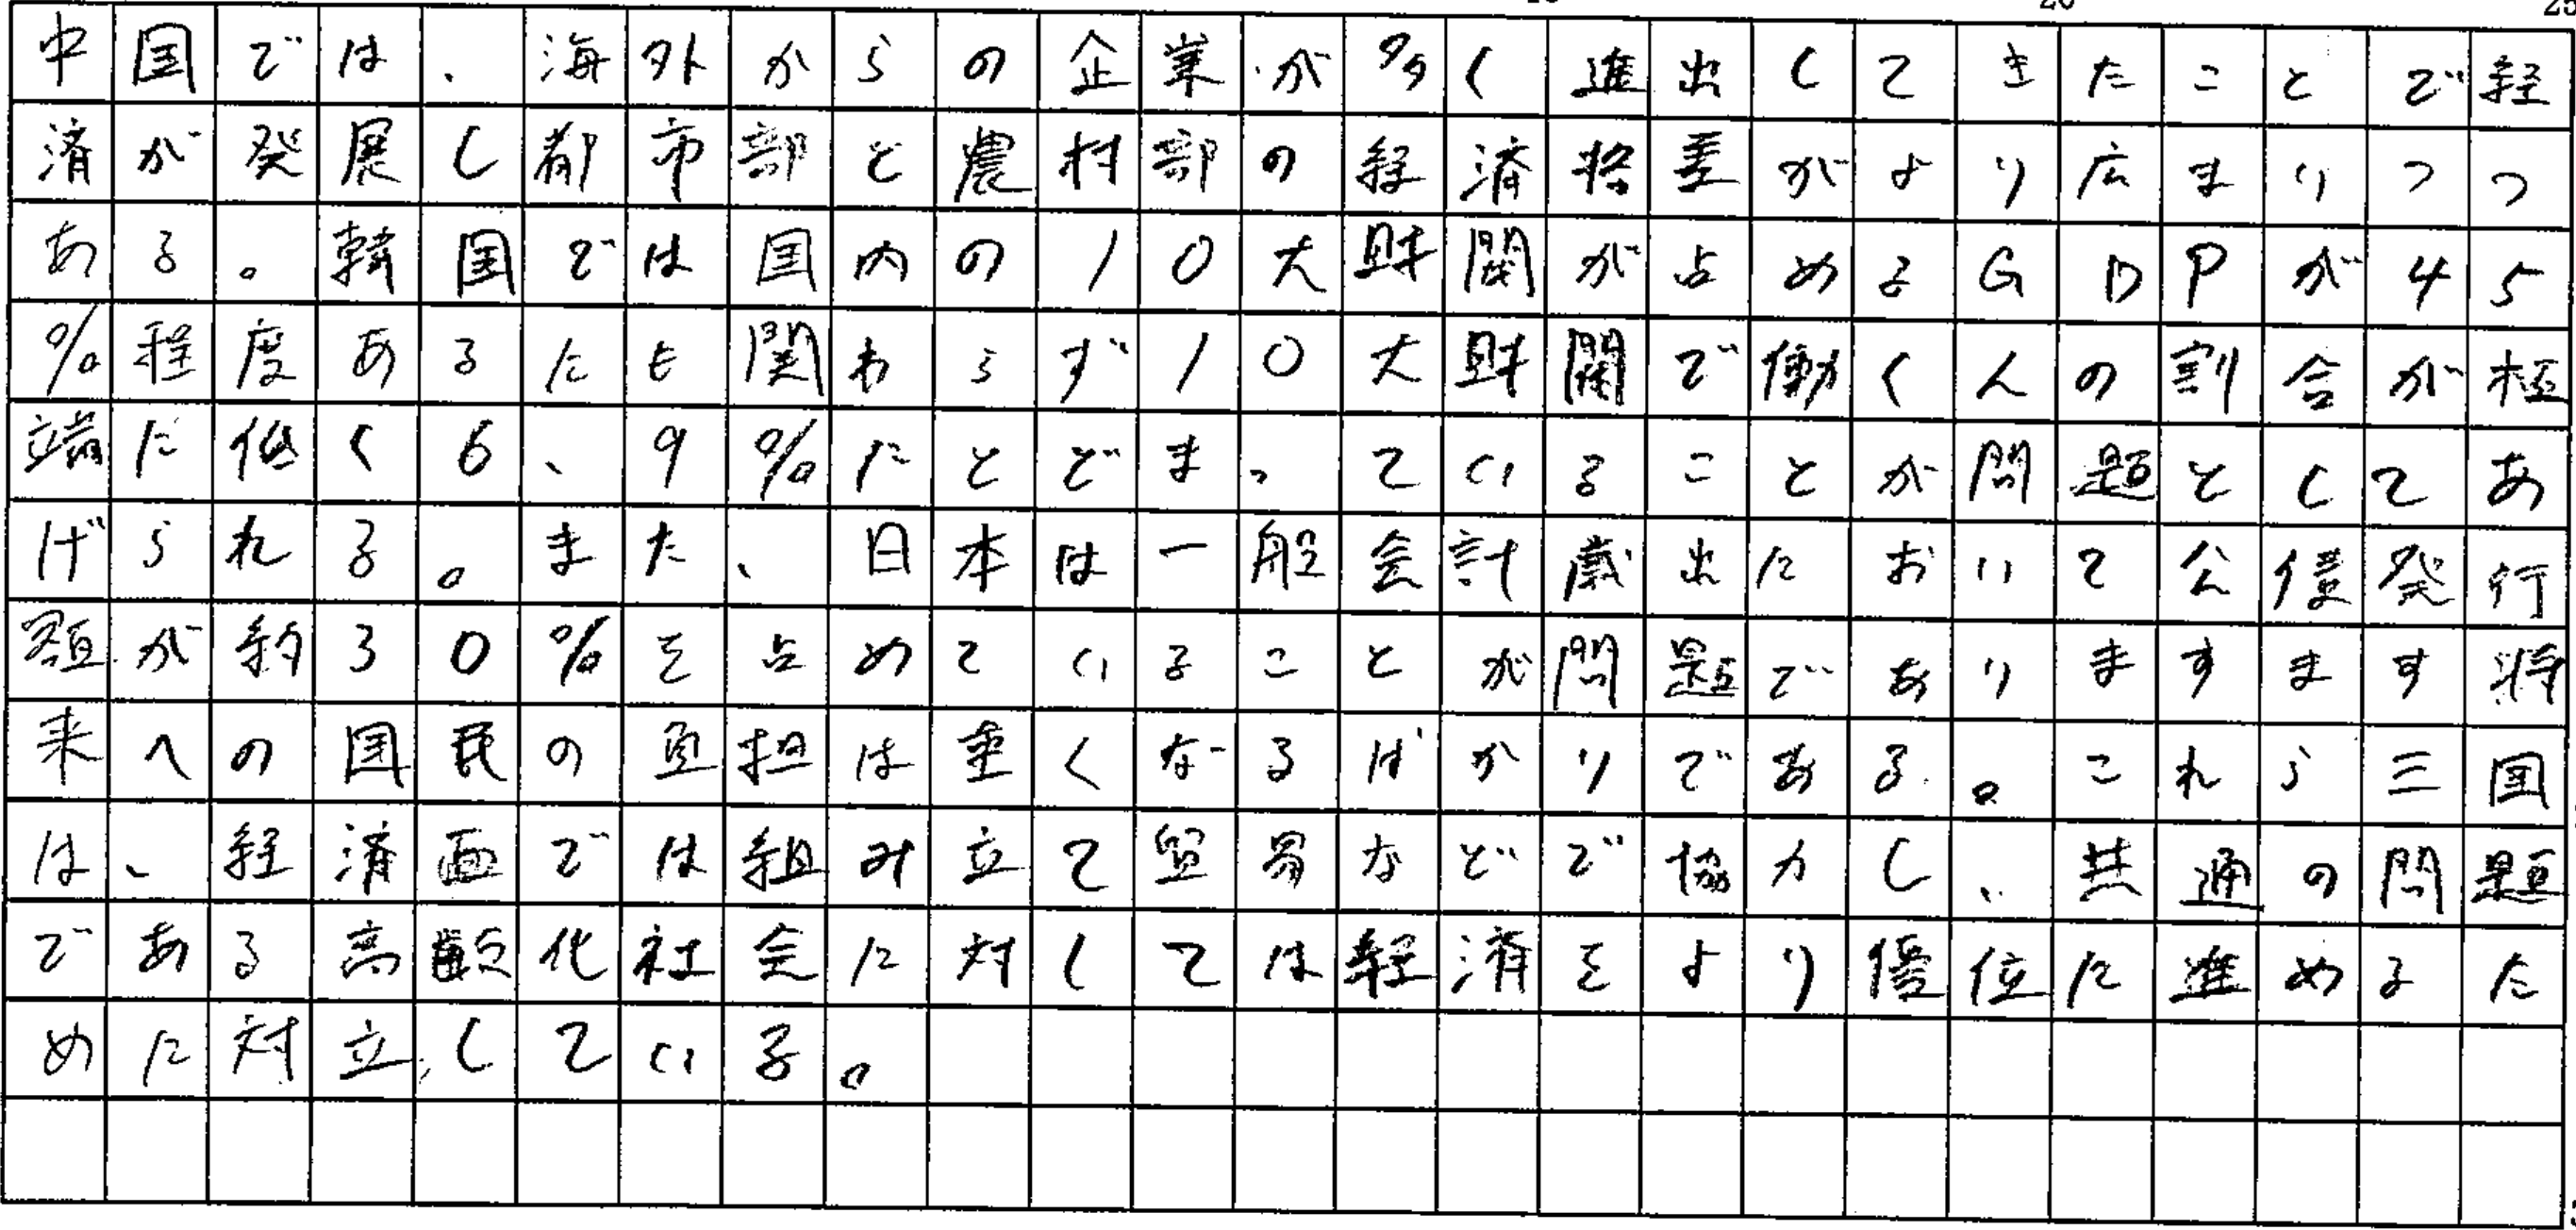中国では、海外からの企業が多く進出してきたことで経済が発展し都市部と農村部の経済格差がより広まりつつある。韓国では国内の１０大財閥が占めるＧＤＰが４５％程度あるにも関わらず１０大財閥で働く人の割合が極端に低く６．９％にとどまっていることが問題としてあげられる。また、日本は一般会計歳出において公債発行額が約３０％を占めていることが問題でありますます将来への国民の負担は重くなるばかりである。これら三国は、経済面では組み立て貿易などで協力し、共通の問題である高齢化社会に対しては経済をより優位に進めるために対立している。
